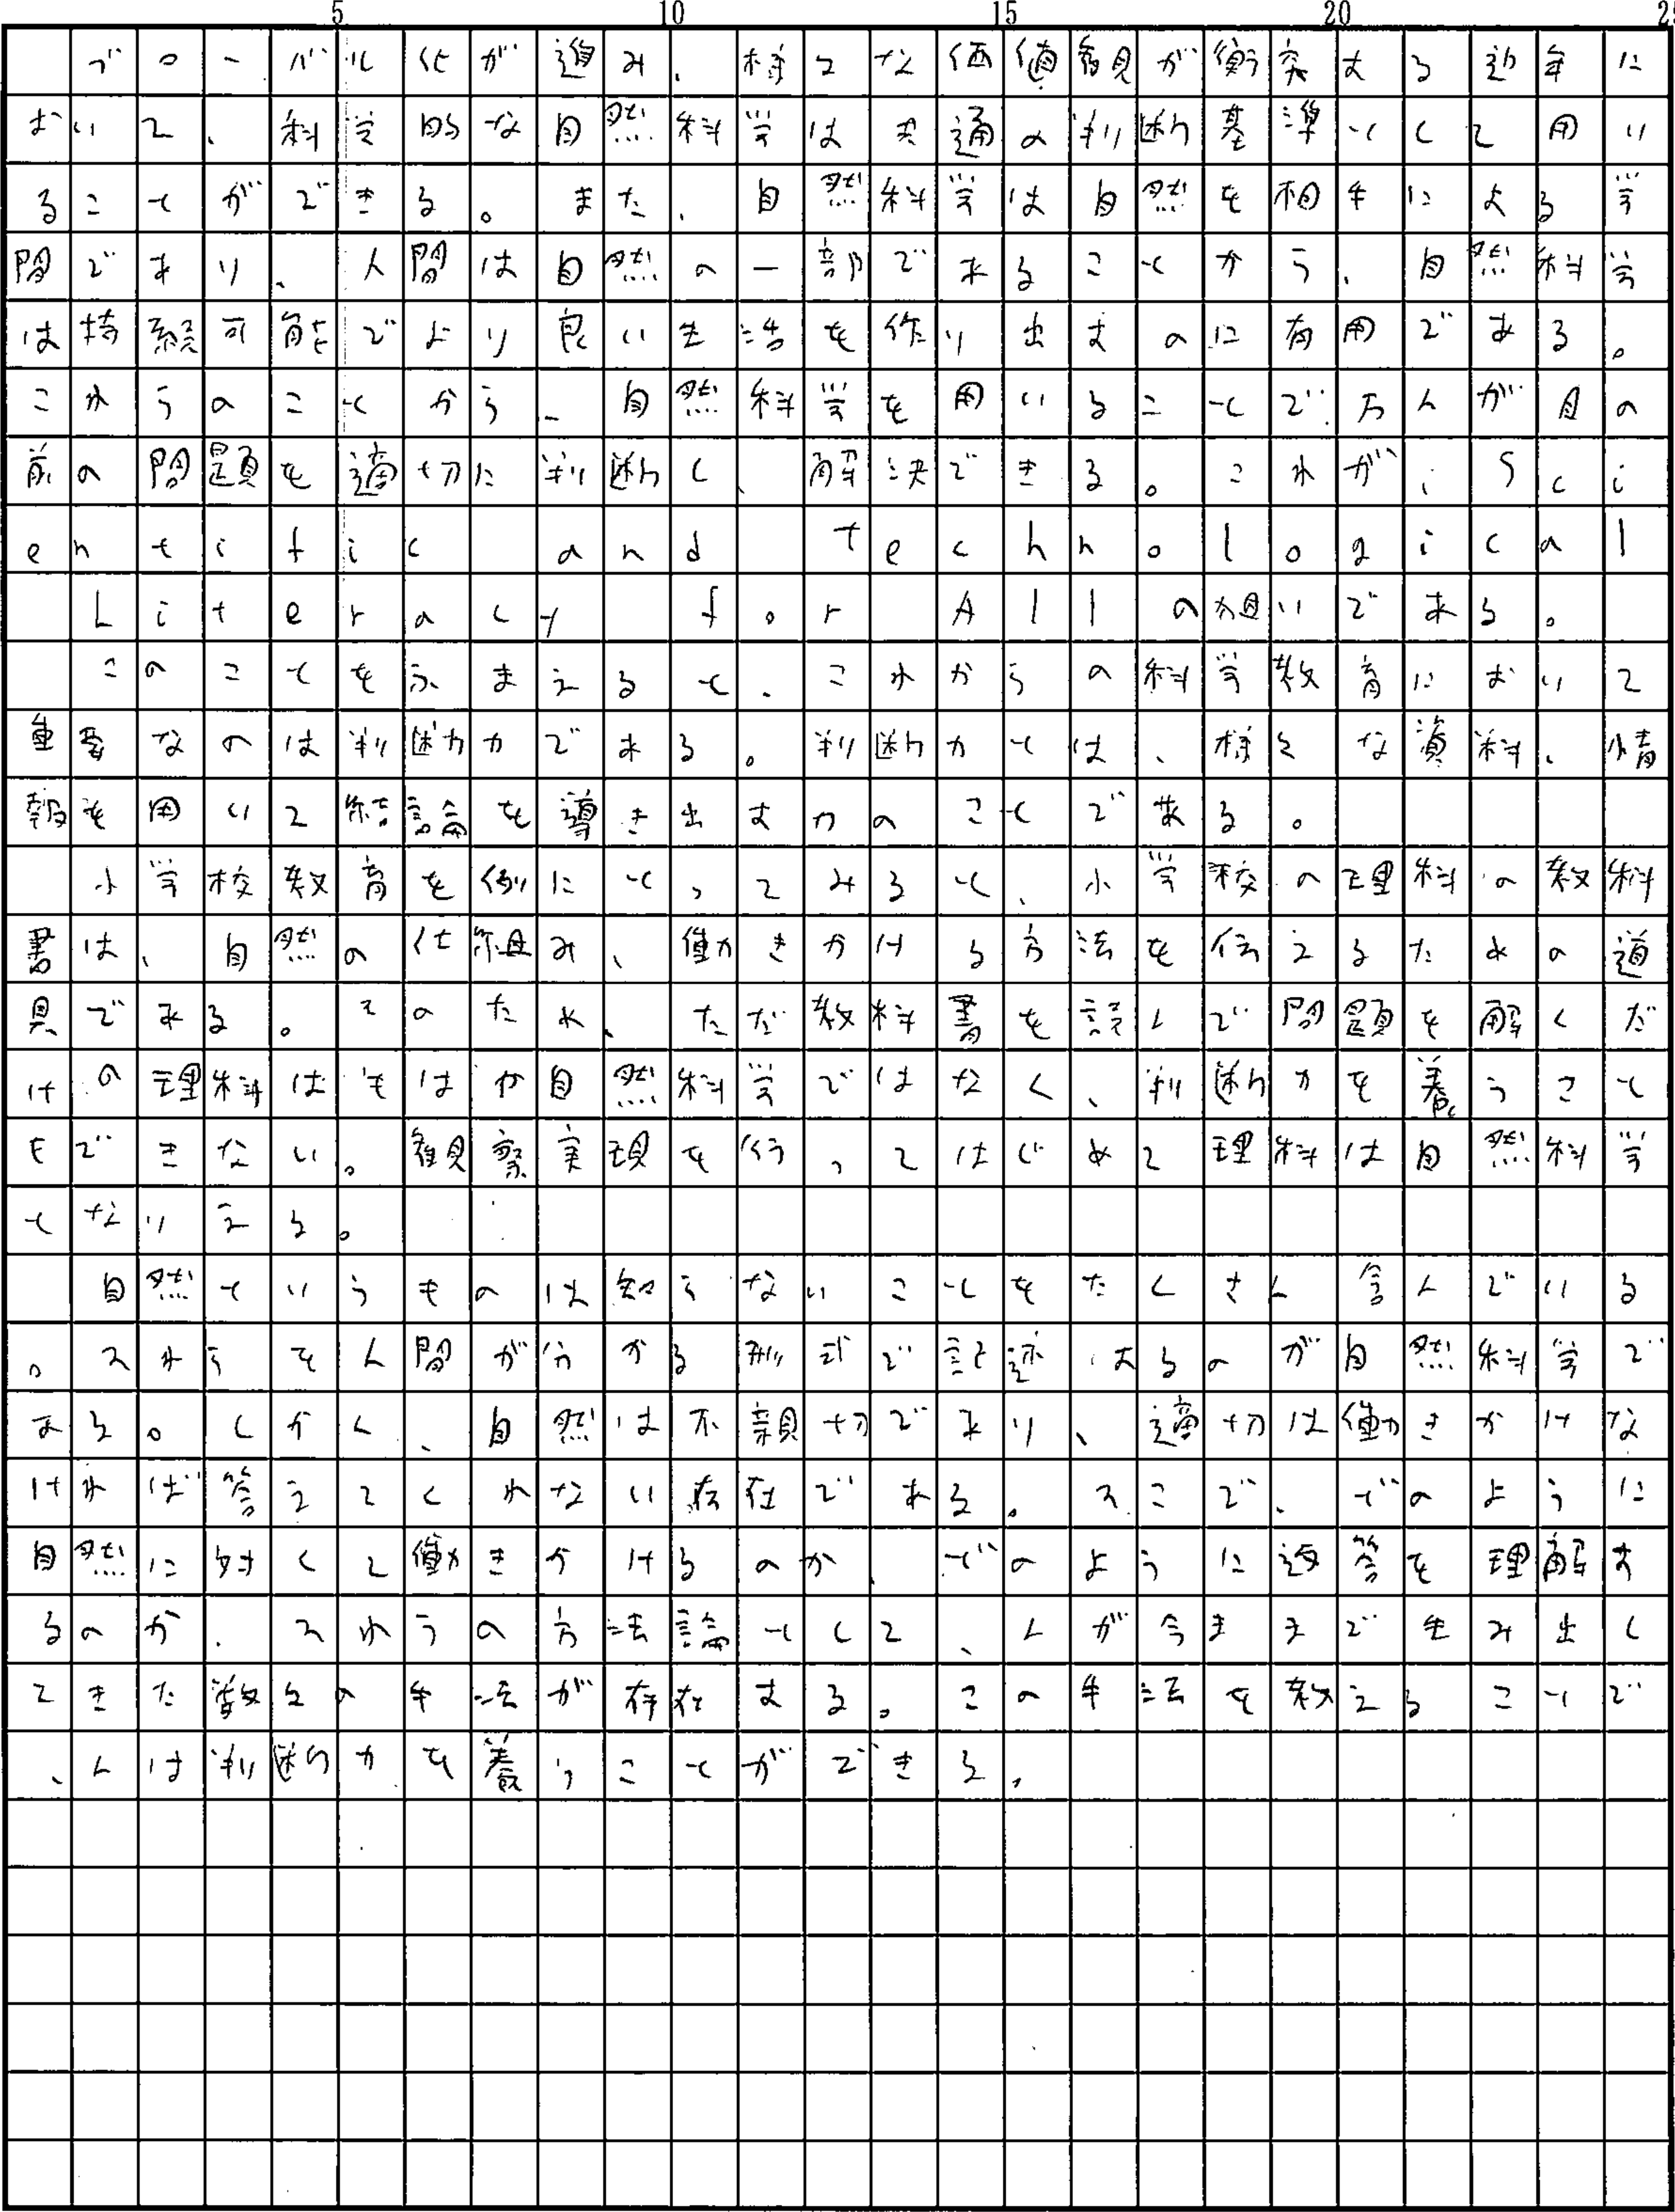　グローバル化が進み、様々な価値観が衡突する近年において、科学的な自然科学は共通の判断基準として用いることができる。また、自然科学は自然を相手にする学間であり、人間は自然の一部であることから、自然科学は持続可能でより良い生活を作り出すのに有用である。これらのことから、自然科▁を用いることで万人が目の前の問題を適切に判断し、解決できる。これが、Ｓｃｉｅｎｔｉｆｉｃ　ａｎｄ　Ｔｅｃｈｎｏｌｏｇｉｃａｌ　Ｌｉｔｅｒａｃｙ　ｆｏｒ　Ａｌｌの狙いである。
　このことをふまえると、これからの科学教育において重要なのは判▁力である。判▁力とは、様々な資料、情報を用いて結論を導き出す力のことである。
　小学校教育を例にとってみると、小学校の理科の教科書は、自然の仕組み、働きかける方法を伝えるための道具である。そのため、ただ教科書を読んで問題を解くだけの理科はもはや自然科学ではなく、判▁力を養うこともできない。観察実現を行ってはじめて理科は自然科学となりえる。
　自然というものは知らないことをたくさん含んでいる。それらを人間がわかる形式で記述するのが自然科学である。しかし、自然は不親切であり、適切は働きかけなければ答えてくれない存在である。そこで、どのように自然に対して働きかけるのか、どのように返答を理解するのか、それらの方法論として、人が今ままで生み出してきた数々の手法が存在する。この手法を教えることで、人は判断力を▁うことができる。
